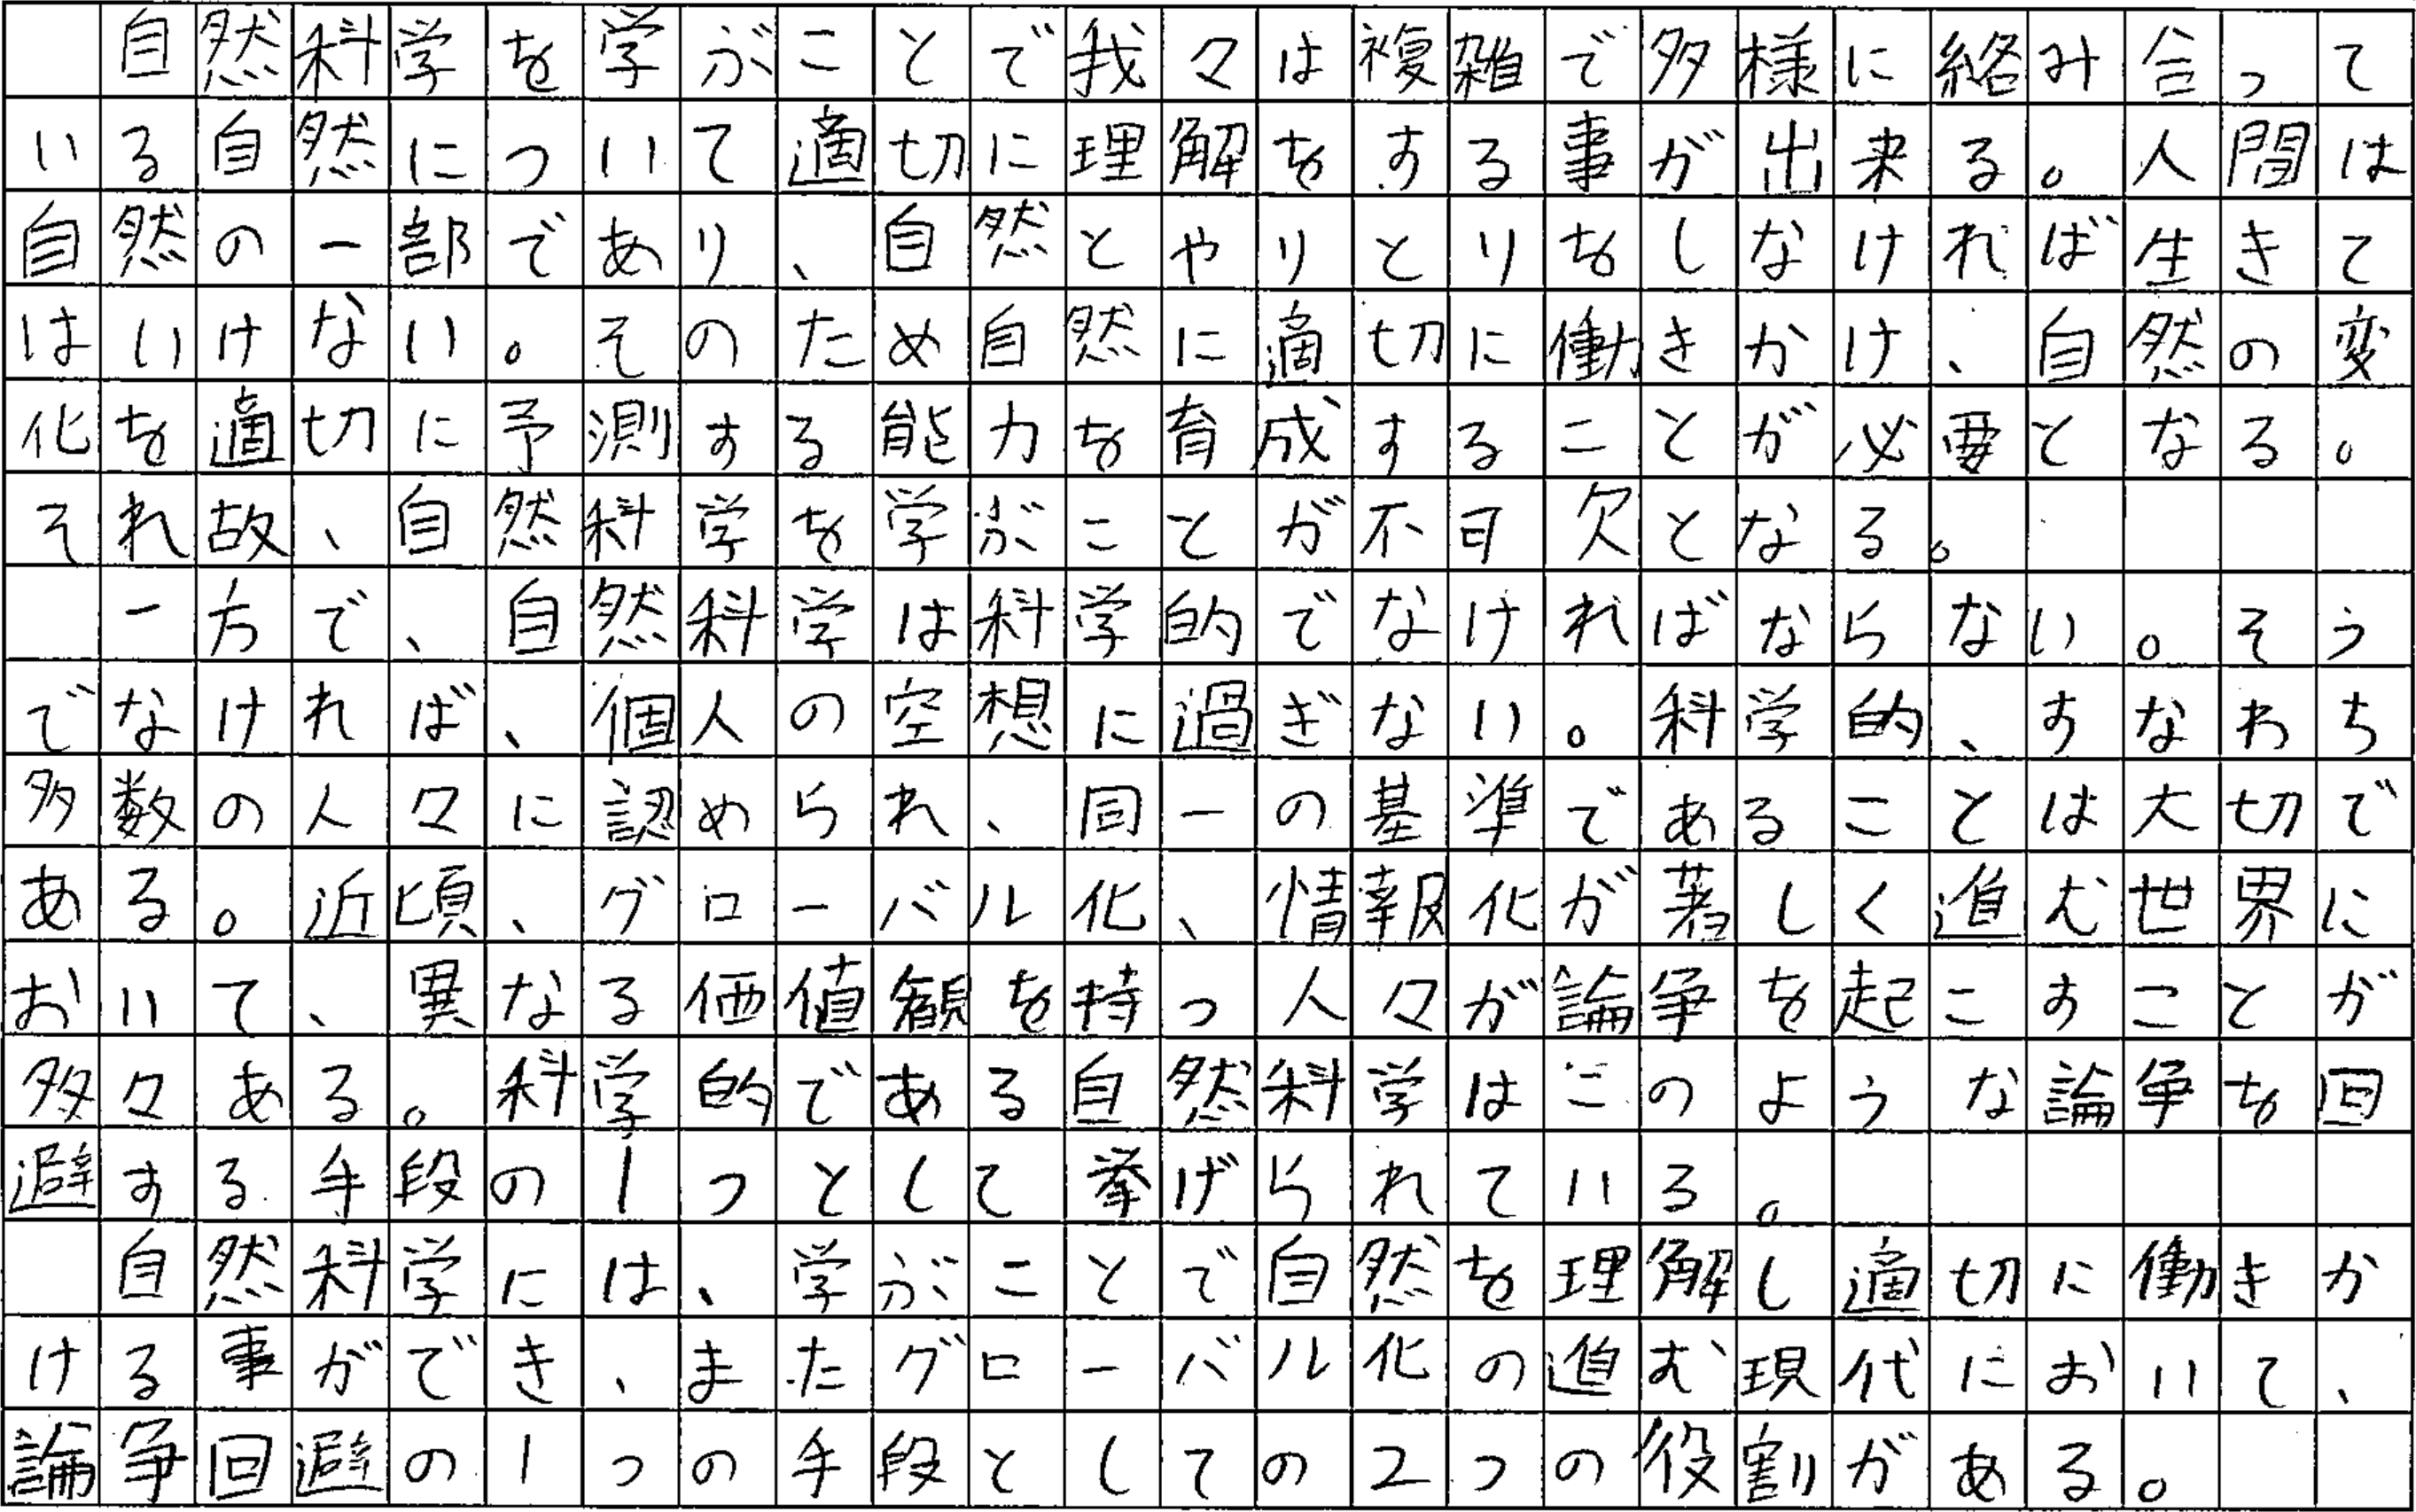　自然科学を学ぶことで我々は複雑で多様に絡み合っている自然について適切に理解をする事が出来る。人間は自然の一部であり、自然とやりとりをしなければ生きてはいけない。そのため自然に適切に働きかけ、自然の変化を適切に予測する能力を育成することが必要となる。それ故、自然科学を学ぶことが不可欠となる。
　一方で、自然科学は科学的でなければならない。そうでなければ、個人の空想に過ぎない。科学的、すなわち多数の人々に認められ、同一の基準であることは大切である。近頃、グローバル化、情報化が著しく進む世界において、異なる価値観を持つ人々が論争を起こすことが多々ある。科学的である自然科学はこのような論争を回避する手段の１つとして挙げられている。
　自然科学には、学ぶことで自然を理解し適切に働きかける事ができ、またグローバル化の進む現代において、論争回避の１つの手段としての２つの役割がある。
